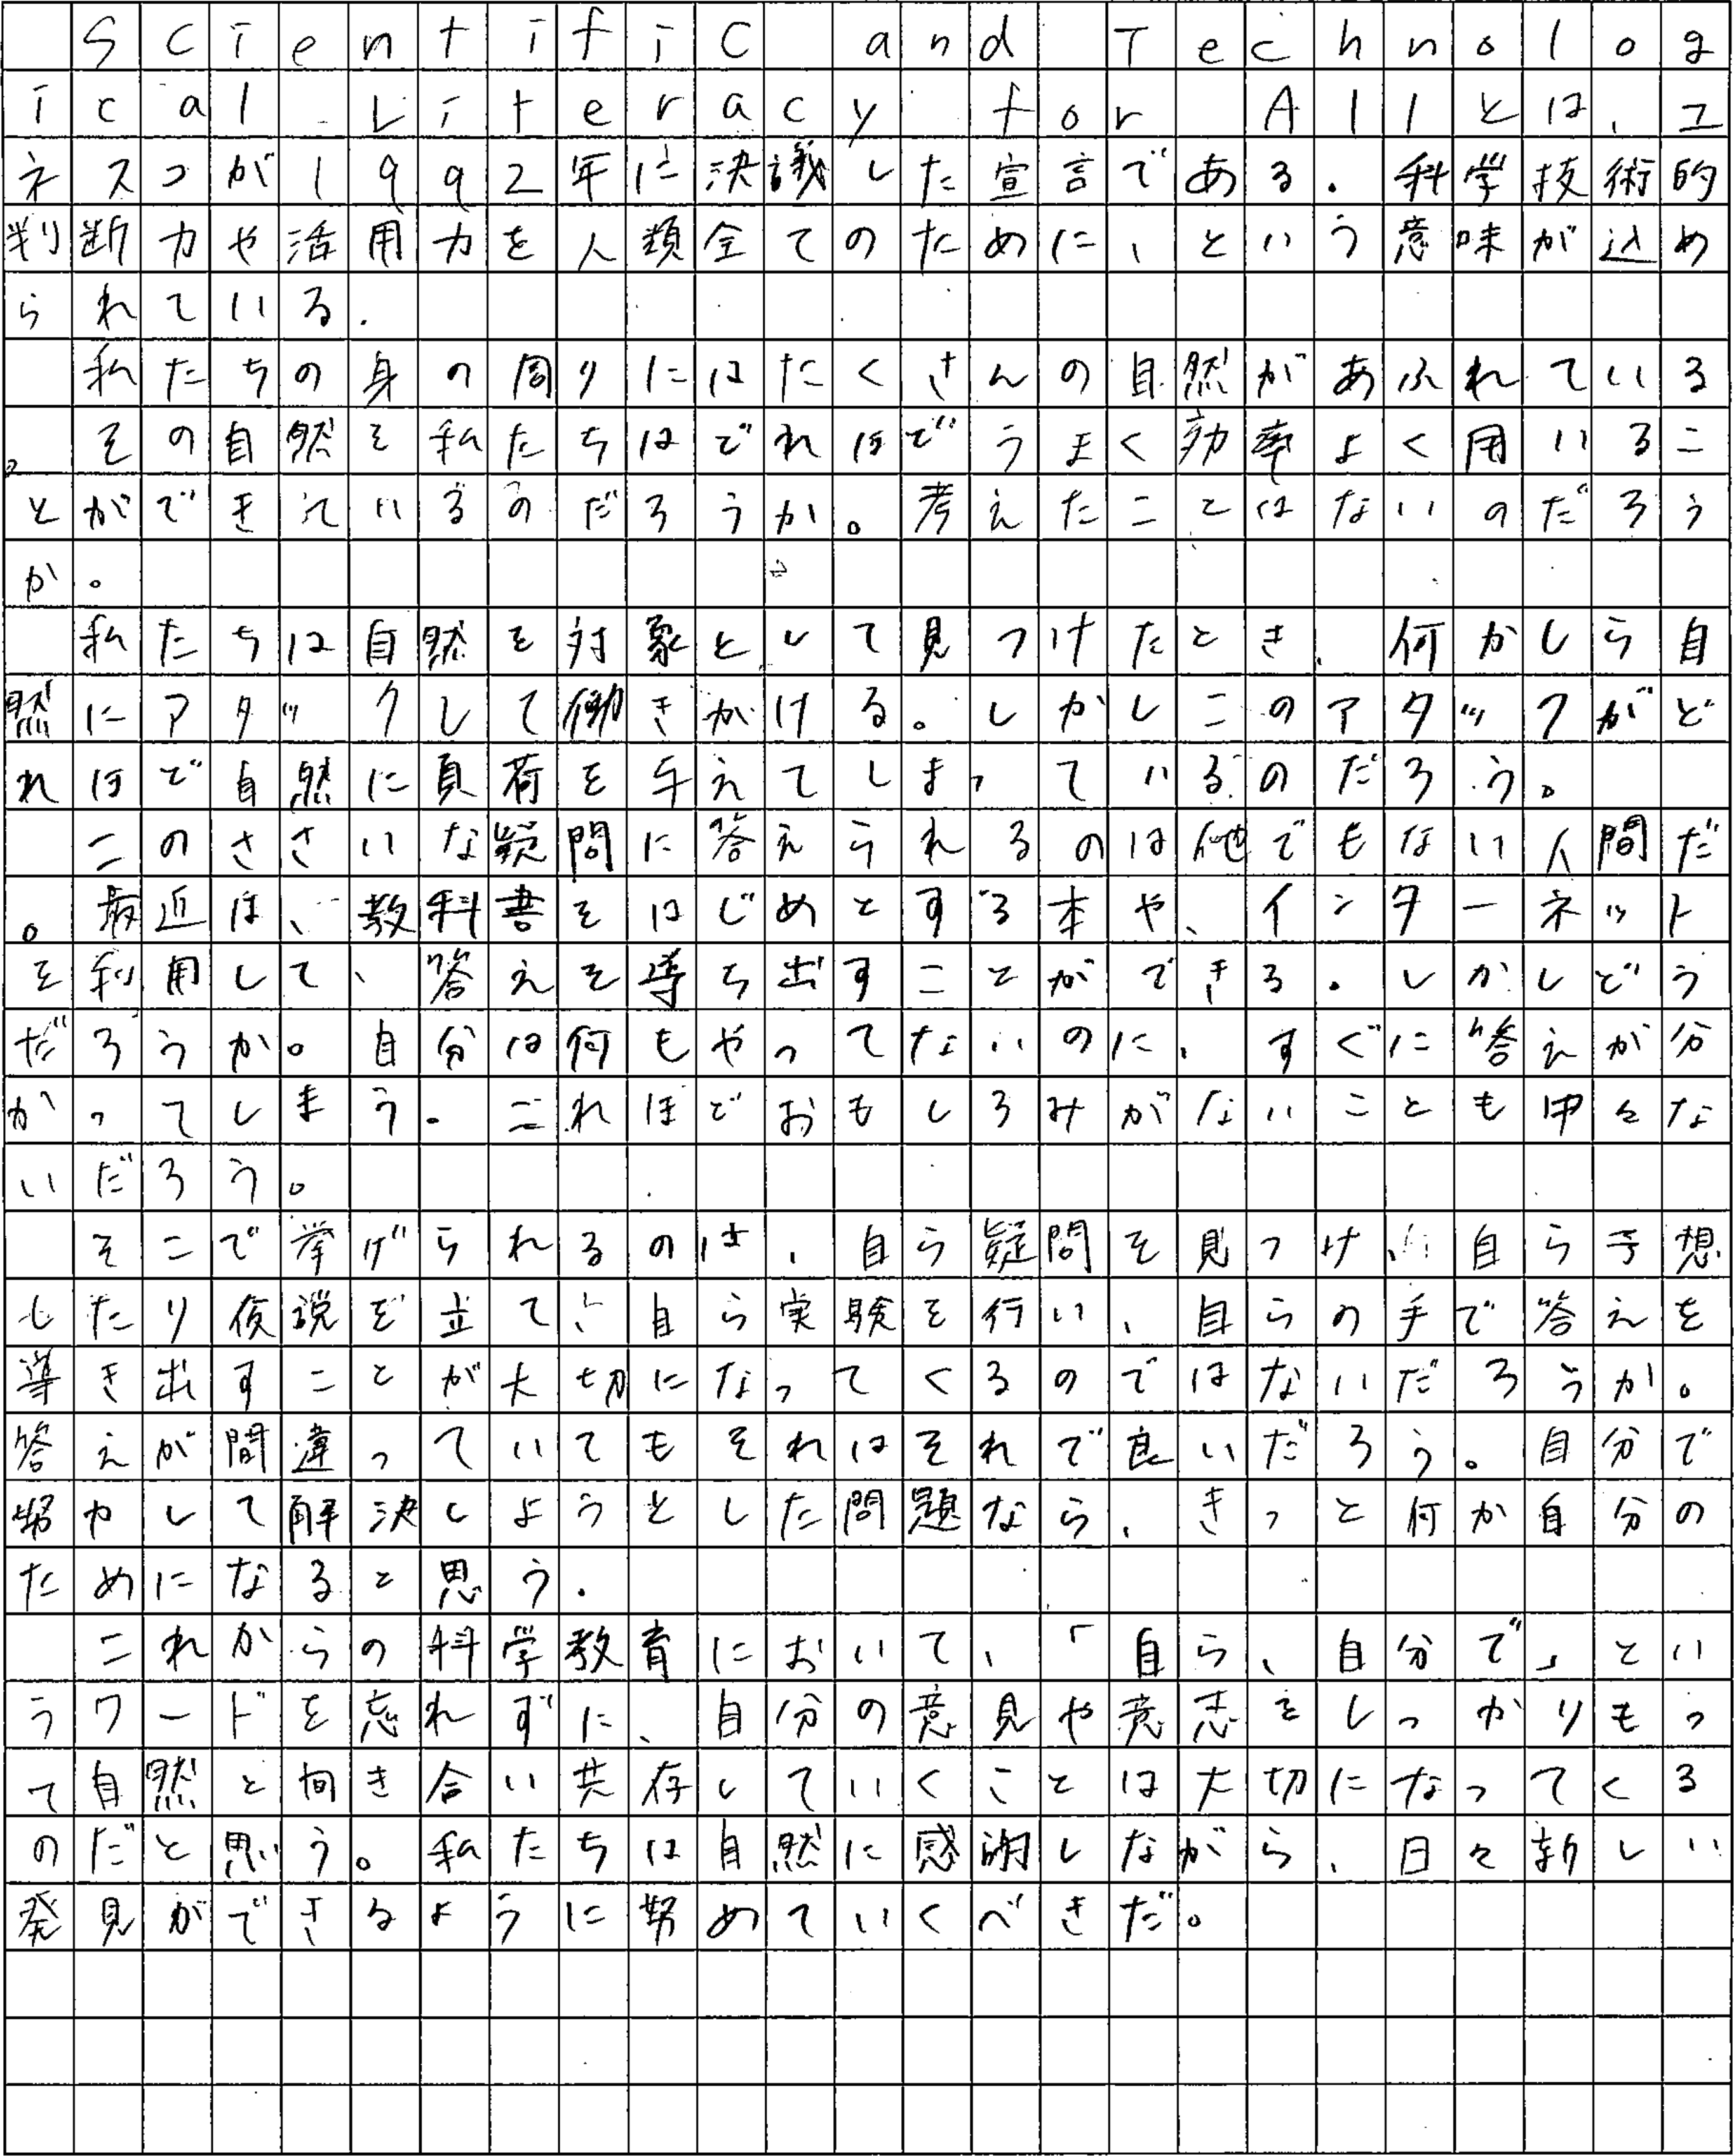　Ｓｃｉｅｎｔｉｆｉｃ　ａｎｄ　Ｔｅｃｈｎｏｌｏｇｉｃａｌ　Ｌｉｔｅｒａｃｙ　ｆｏｒ　Ａｌｌとは、ユネスコが１９９２年に決議した宣言である。科学技術的判断力や活用力を人類全てのために、という意味が込められている。
　私たちの身の周りにはたくさんの自然があふれている。その自然を私たちはどれほどうまく効率よく用いることができているのだろうか。考えたことはないのだろうか。
　私たちは自然を対象として見つけたとき、何かしら自然にアタックして働きかける。しかしこのアタックがどれほど自然に負荷を与えてしまっているのだろう。
　このささいな▁問に答えられるのは他でもない人間だ。最近は、教科書をはじめとする本や、インターネットを利用して、答えを導ち出すことができる。しかしどうだろうか。自分は何もやってないのに、すぐに答えが分かってしまう。これほどおもしろみがないことも中々ないだろう。
　そこで挙げられるのは、自ら疑問を見つけ、自ら予想したり仮説を立て、自ら実験を行い、自らの手で答えを導き出すことが大切になってくるのではないだろうか。答えが間違っていてもそれはそれで良いだろう。自分で努力して解決しようとした問題なら、きっと何か自分のためになると思う。
　これからの科学教育において、「自ら、自分で」というワードを忘れずに、自分の意見や意志をしっかりもって自然と向き合い共存していくことは大切になってくるのだと思う。私たちは自然に感謝しながら、日々新しい発見ができるように努めていくべきだ。
